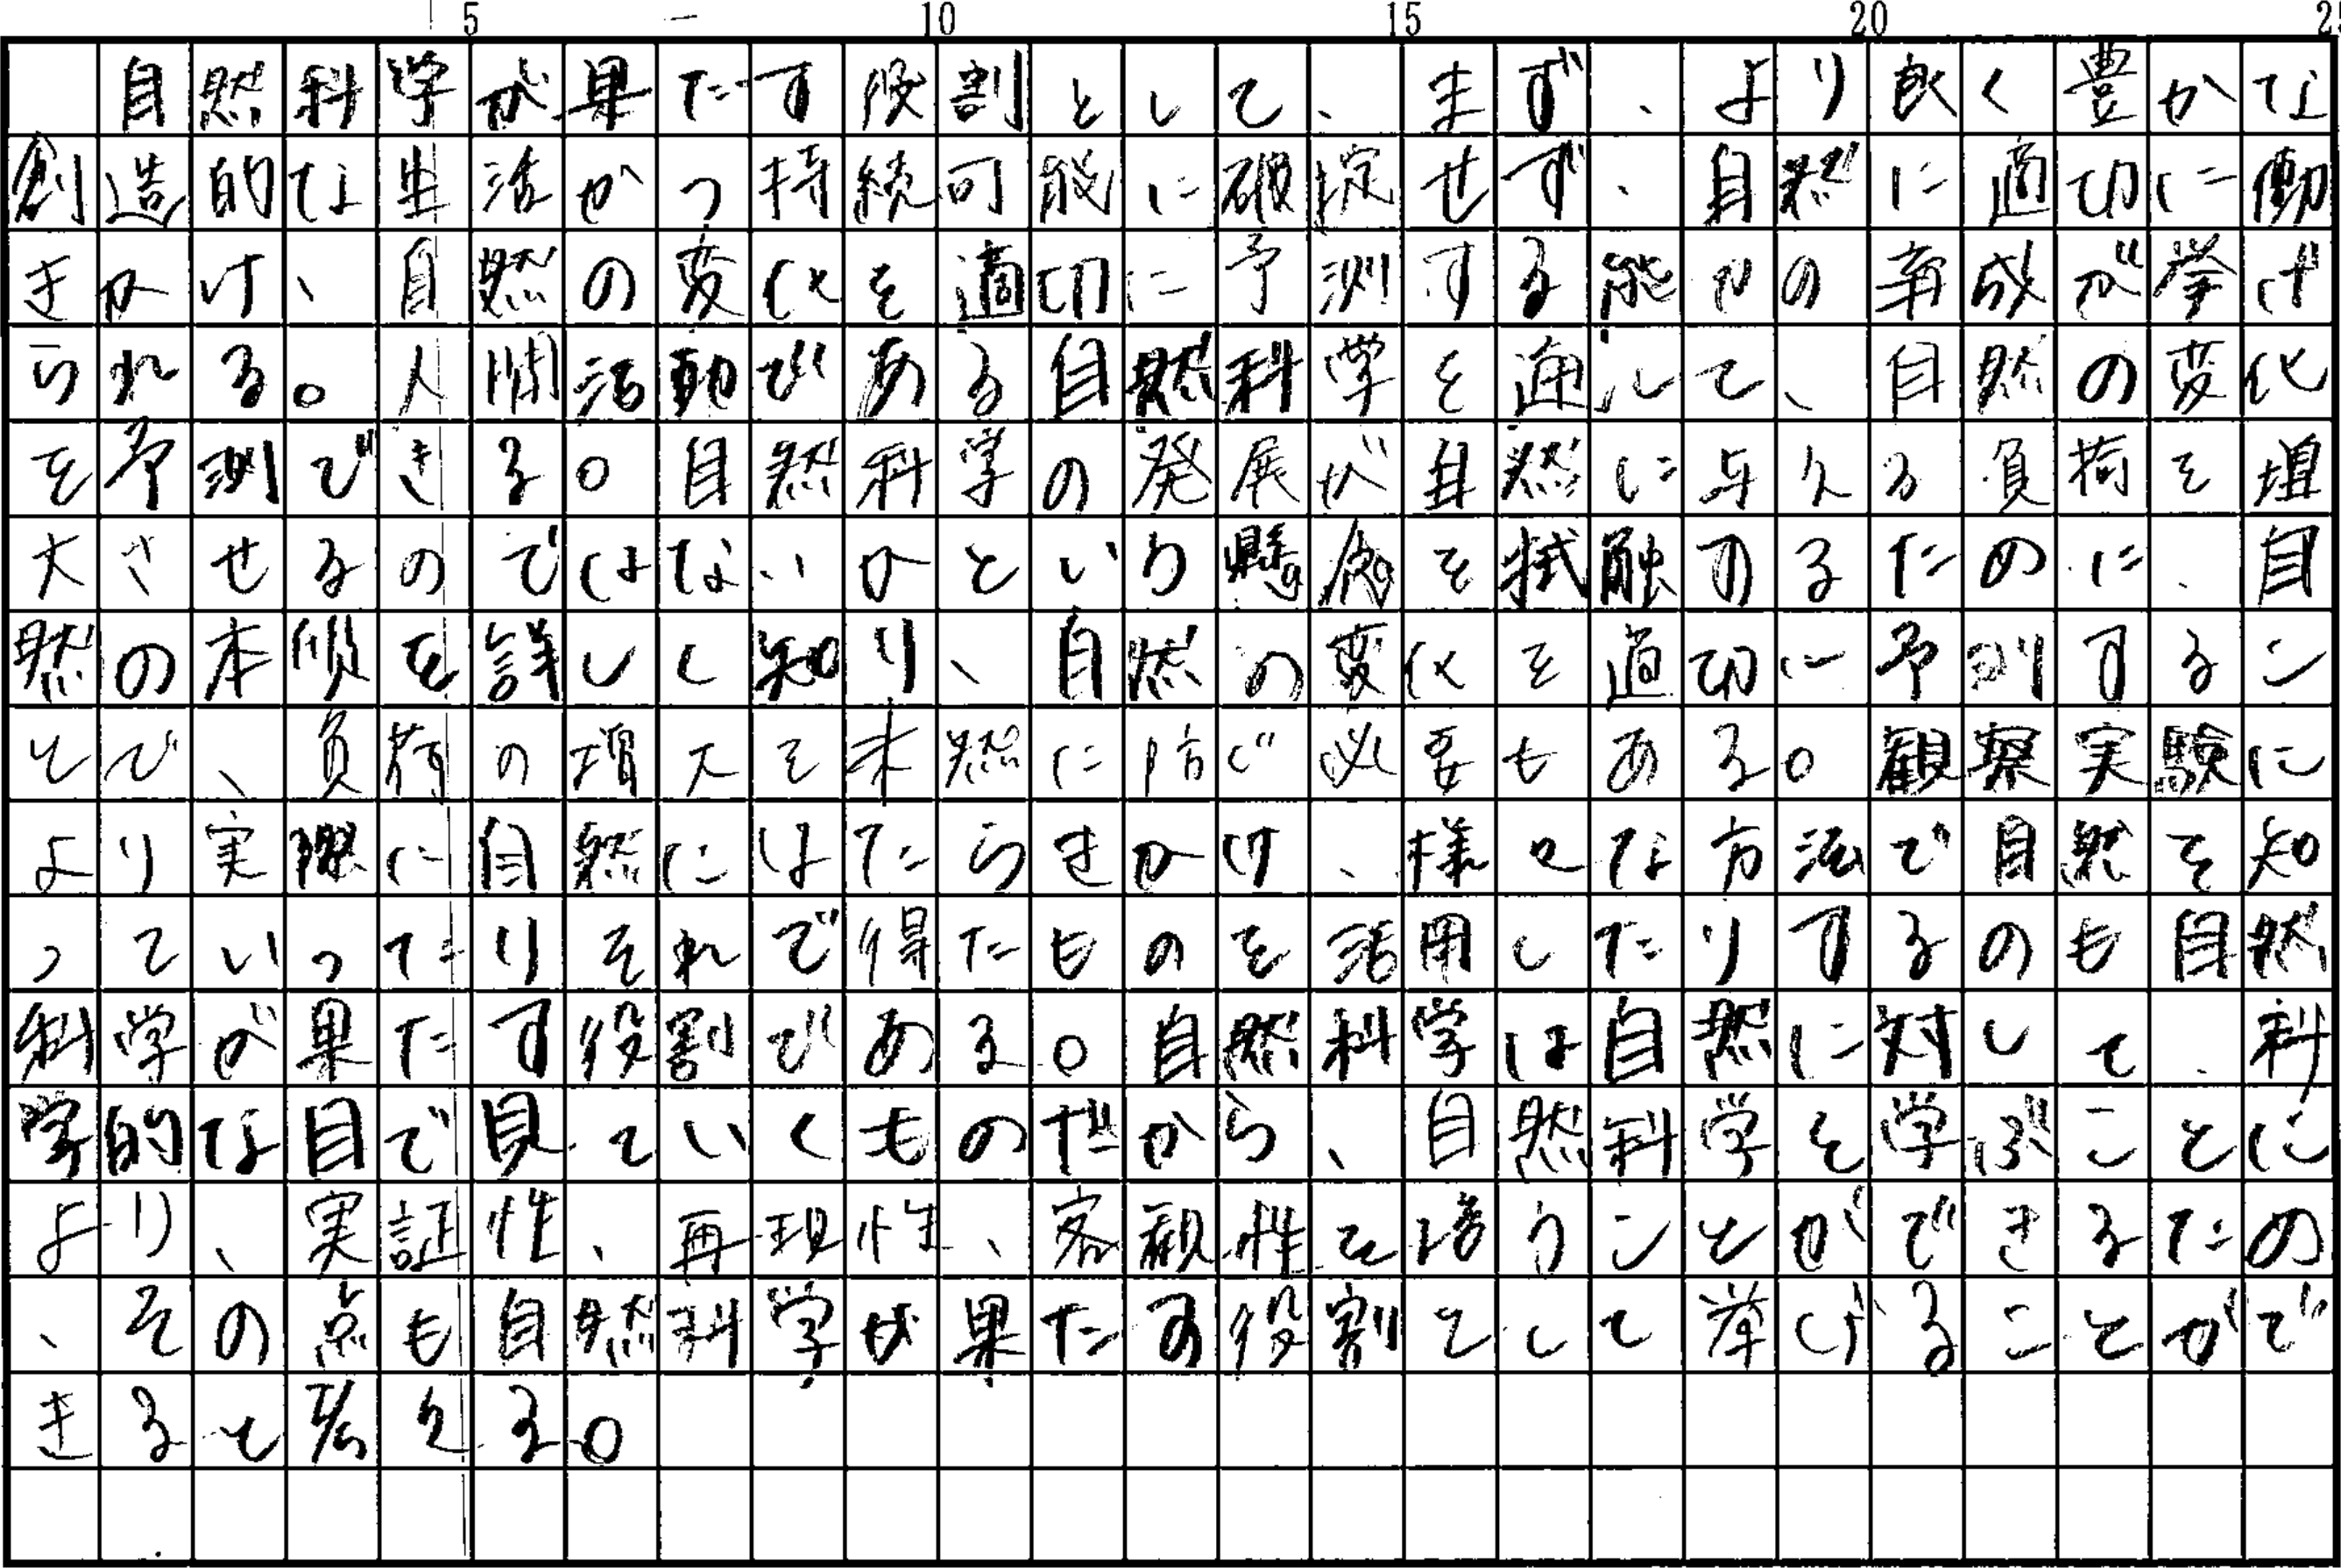　自然科学が果たす役割として、まず、より良く豊かな創造的な生活かつ持続可能に破掟せず、自然に適切に働きかけ、自然の変化を適切に予測する能力の▁成が挙げられる。人間活動である自然科学を通して、自然の変化を予測できる。自然科学の発展が自然に与える負荷を増大させるのではないかという懸念を拭触するために、自然の本質を詳しく知り、自然の変化を適切に予測することで、負荷の増大を未然に防ぐ必要もある。観察実験により実際に自然にはたらきかけ、様々な方法で自然を知っていったりそれで得たものを活用したりするのも自然科学が果たす役割である。自然科学は自然に対して、科学的な目で見ていくものだから、自然科学を学ぶことにより、実証性、再現性、客観性を培うことができるため、その点も自然科学が果たす役割として挙げることができると考える。
